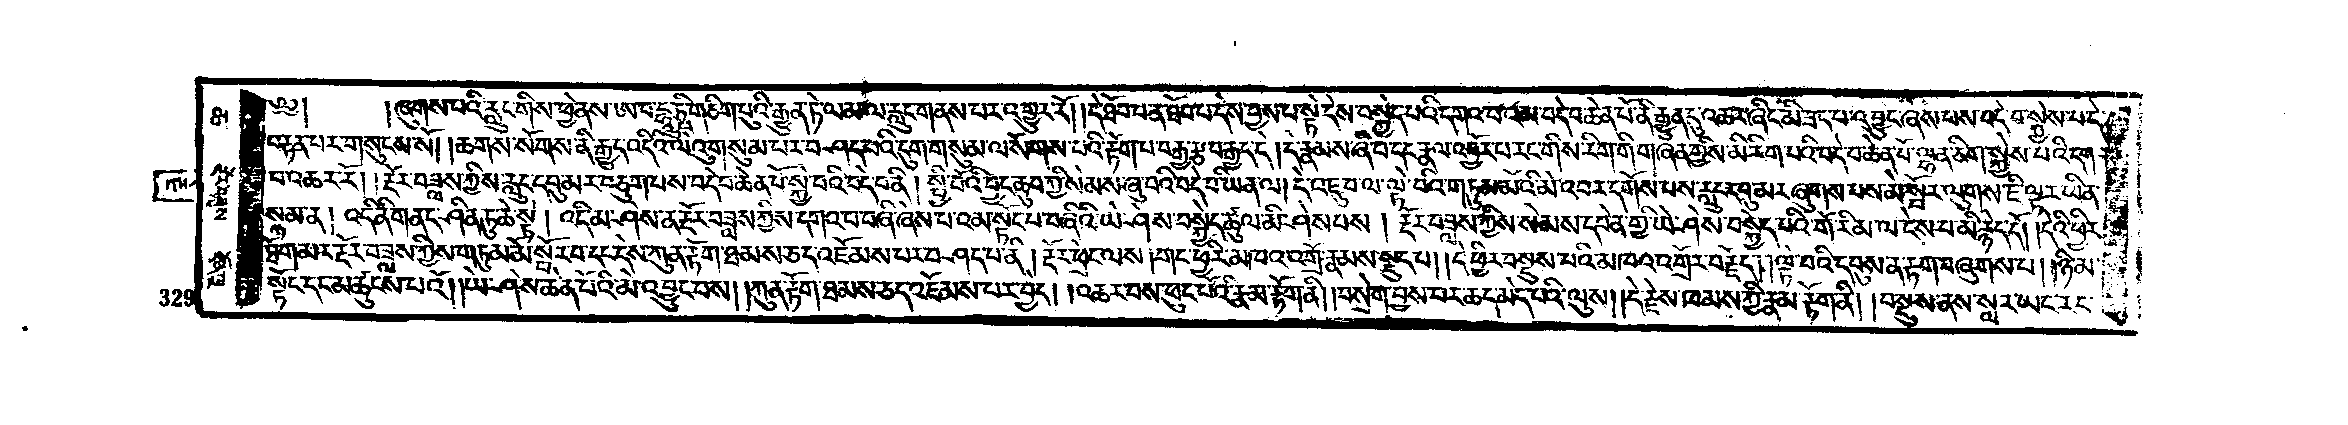༄༅། །ཞུགས་པའི་རླུང་གིས་ཕྱེ་ནས་ཨ་བ་དྷཱུ་ཏཱི་གཅིག་པུའི་རྒྱུན་ཏེ་ལམ་ལ་རླུང་གནས་པར་འགྱུར་རོ། །དེ་ཐོབ་པ་ན་ཐོབ་པ་དེས་བྱས་པ་སྟེ་དེས་བསྐྱེད་པའི་དགའ་བ་འམ་བདེ་བ་ཆེན་པོ་ནི་རྒྱུན་དུ་འཆར་ཞིང་མི་ཟད་པ་འབྱུང་ཞེས་པས་བདེ་བ་སྐྱེས་པ་དེ་
བརྟན་པར་གསུངས་སོ། །ཆགས་སོགས་ནི་རྒྱུད་འདིའི་ལེའུ་གསུམ་པར་བཤད་པའི་དུག་གསུམ་ལ་སོགས་པའི་རྟོག་པ་བརྒྱ་རྩ་བརྒྱད་དེ། དེ་རྣམས་ཞི་བ་དང་རྣལ་འབྱོར་པ་རང་གིས་རིག་གི་གཞན་གྱིས་མི་རིག་པའི་བདེ་བ་ཆེན་པོ་ལྷན་ཅིག་སྐྱེས་པའི་དགའ་
བ་འཆར་རོ། །རྡོར་བཟླས་ཀྱིས་རླུང་དབུ་མར་བཅུག་པས་བདེ་བ་ཆེན་པོ་སྐྱེ་བའི་བདེ་བ་ནི། སྤྱི་བོའི་བྱང་ཆུབ་ཀྱི་སེམས་ཞུ་བའི་བདེ་བ་ཡིན་ལ། དེ་འཇུ་བ་ལ་ལྟེ་བའི་གཏུམ་མོའི་མི་འབར་དགོས་པས་རླུང་དབུ་མར་ཞུགས་པས་མེ་སྦོར་ལུགས་ཇི་ལྟར་ཡིན་
སྙམ་ན། འདི་ནི་གནད་ཤིན་ཏུ་ཆེ་སྟེ། འདི་མ་ཤེས་ན་རྡོར་བཟླས་ཀྱིས་དགའ་བ་བཞི་ཞེས་པ་འམ་སྟོང་པ་བཞིའི་ཡེ་ཤེས་བསྐྱེད་ཚུལ་མི་ཤེས་པས། རྡོར་བཟླས་ཀྱིས་སེམས་དབེན་གྱི་ཡེ་ཤེས་བསྐྱེད་པའི་གོ་རིམ་ལ་ངེས་པ་མི་རྙེད་དོ། །དེའི་ཕྱིར་
ཐོག་མར་རྡོར་བཟླས་ཀྱིས་གཏུམ་མོ་སྦོར་བ་དང་དེས་ཀུན་རྟོག་ཐམས་ཅད་འཇོམས་པར་བཤད་པ་ནི། རྡོར་ཕྲེང་ལས། གང་ཕྱིར་མཁའ་འགྲོ་རྣམས་སྡུད་པ། །དེ་ཕྱིར་བསྡུས་པའི་མཁའ་འགྲོར་བརྗོད། །ལྟེ་བའི་དབུས་ན་རྟག་བཞུགས་པ། །ཉི་མ་
སྟོང་དང་མཚུངས་པའོ། །ཡེ་ཤེས་ཆེན་པོའི་མེ་འབྱུང་བས། །ཀུན་རྟོག་ཐམས་ཅད་འཇོམས་པར་བྱེད། །འཆར་བས་ཕུང་པོའི་རྣམ་རྟོག་ནི། །བསྲེག་བྱས་བར་ཆད་མེད་པའི་ལུས། །དེ་རྗེས་ཁམས་ཀྱི་རྣམ་རྟོག་ནི། །བསྡུས་ནས་སླར་ཡང་རང་